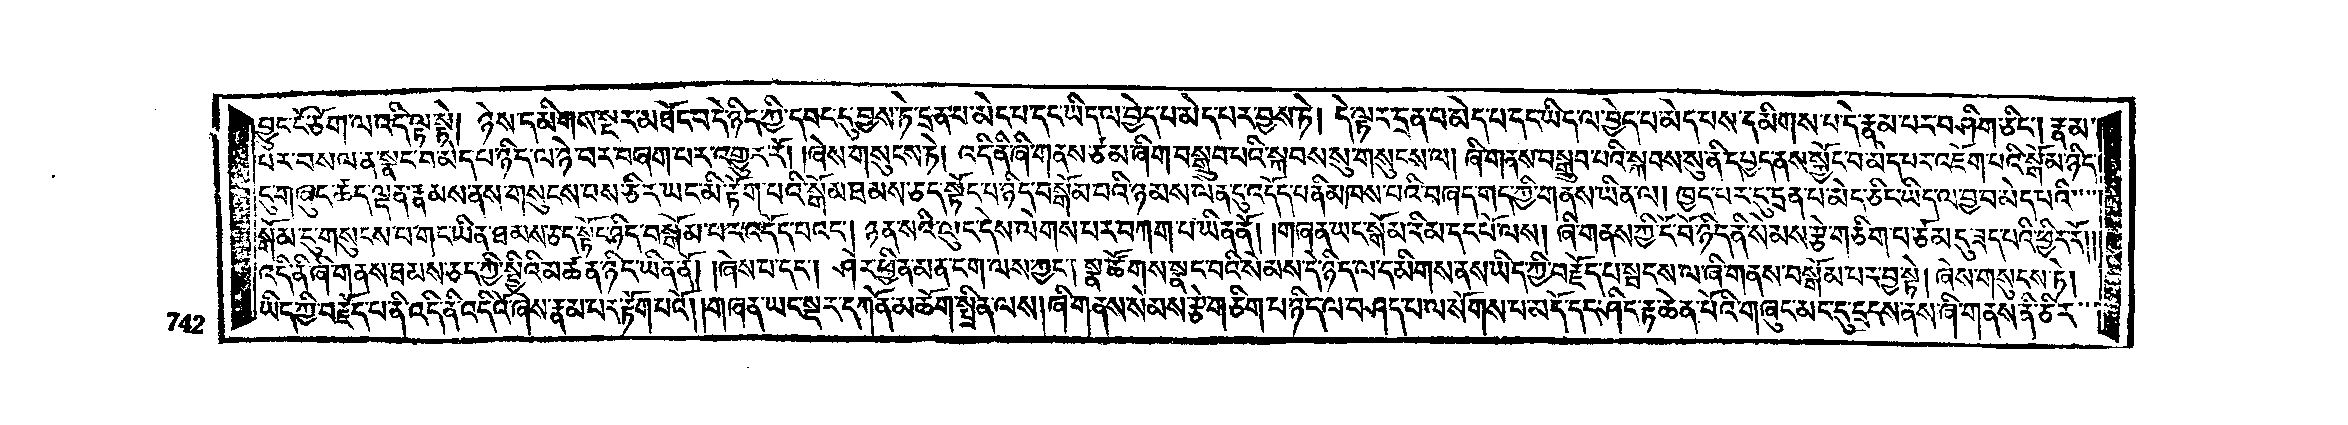བྱུང་ངོ་ཅོག་ལ་འདི་ལྟ་སྟེ། ཉེས་དམིགས་སྔར་མཐོང་བ་དེ་ཉིད་ཀྱི་དབང་དུ་བྱས་ཏེ་དྲན་པ་མེད་པ་དང་ཡིད་ལ་བྱེད་པ་མེད་པར་བྱས་ཏེ། དེ་ལྟར་དྲན་པ་མེད་པ་དང་ཡིད་ལ་བྱེད་པ་མེད་པས་དམིགས་པ་དེ་རྣམ་པར་བཤིག་ཅིང་། རྣམ་
པར་བསལ་ན་སྣང་བ་མེད་པ་ཉིད་ལ་ཉེ་བར་བཞག་པར་འགྱུར་རོ། །ཞེས་གསུངས་ཏེ། འདི་ནི་ཞི་གནས་ཙམ་ཞིག་བསྒྲུབ་པའི་སྐབས་སུ་གསུངས་ལ། ཞི་གནས་བསྒྲུབ་པའི་སྐབས་སུ་ནི་དཔྱད་ནས་སྐྱོང་བ་མེད་པར་འཇོག་པའི་སྒོམ་ཉིད་
དུ་གཞུང་ཚད་ལྡན་རྣམས་ནས་གསུངས་པས་ཅིར་ཡང་མི་རྟོག་པའི་སྒོམ་ཐམས་ཅད་སྟོང་པ་ཉིད་བསྒོམ་པའི་ཉམས་ལེན་དུ་འདོད་པ་ནི་མཁས་པའི་བཞད་གད་ཀྱི་གནས་ཡིན་ལ། ཁྱད་པར་དུ་དྲན་པ་མེད་ཅིང་ཡིད་ལ་བྱ་བ་མེད་པའི་
སྒོམ་དུ་གསུངས་པ་གང་ཡིན་ཐམས་ཅད་སྟོང་ཉིད་བསྒོམ་པར་འདོད་པའང་། ཉན་སའི་ལུང་དེས་ལེགས་པར་བཀག་པ་ཡིན་ནོ། །གཞན་ཡང་སྒོམ་རིམ་དང་པོ་ལས། ཞི་གནས་ཀྱི་ངོ་བོ་ཉིད་ནི་སེམས་རྩེ་གཅིག་པ་ཙམ་དུ་ཟད་པའི་ཕྱིར་རོ། །
འདི་ནི་ཞི་གནས་ཐམས་ཅད་ཀྱི་སྤྱིའི་མཚན་ཉིད་ཡིན་ནོ། །ཞེས་པ་དང་། ཤེར་ཕྱིན་མན་ངག་ལས་ཀྱང་། སྣ་ཚོགས་སྣང་བའི་སེམས་དེ་ཉིད་ལ་དམིགས་ནས་ཡིད་ཀྱི་བརྗོད་པ་སྤངས་ལ་ཞི་གནས་བསྒོམ་པར་བྱ་སྟེ། ཞེས་གསུངས་ཏེ།
ཡིད་ཀྱི་བརྗོད་པ་ནི་འདི་ནི་འདིའོ་ཞེས་རྣམ་པར་རྟོག་པའོ། །གཞན་ཡང་སྔར་དཀོན་མཆོག་སྤྲིན་ལས། ཞི་གནས་སེམས་རྩེ་གཅིག་པ་ཉིད་ལ་བཤད་པ་ལ་སོགས་པ་མདོ་དང་ཤིང་རྟ་ཆེན་པོའི་གཞུང་མང་དུ་དྲངས་ནས་ཞི་གནས་ནི་ཅིར་